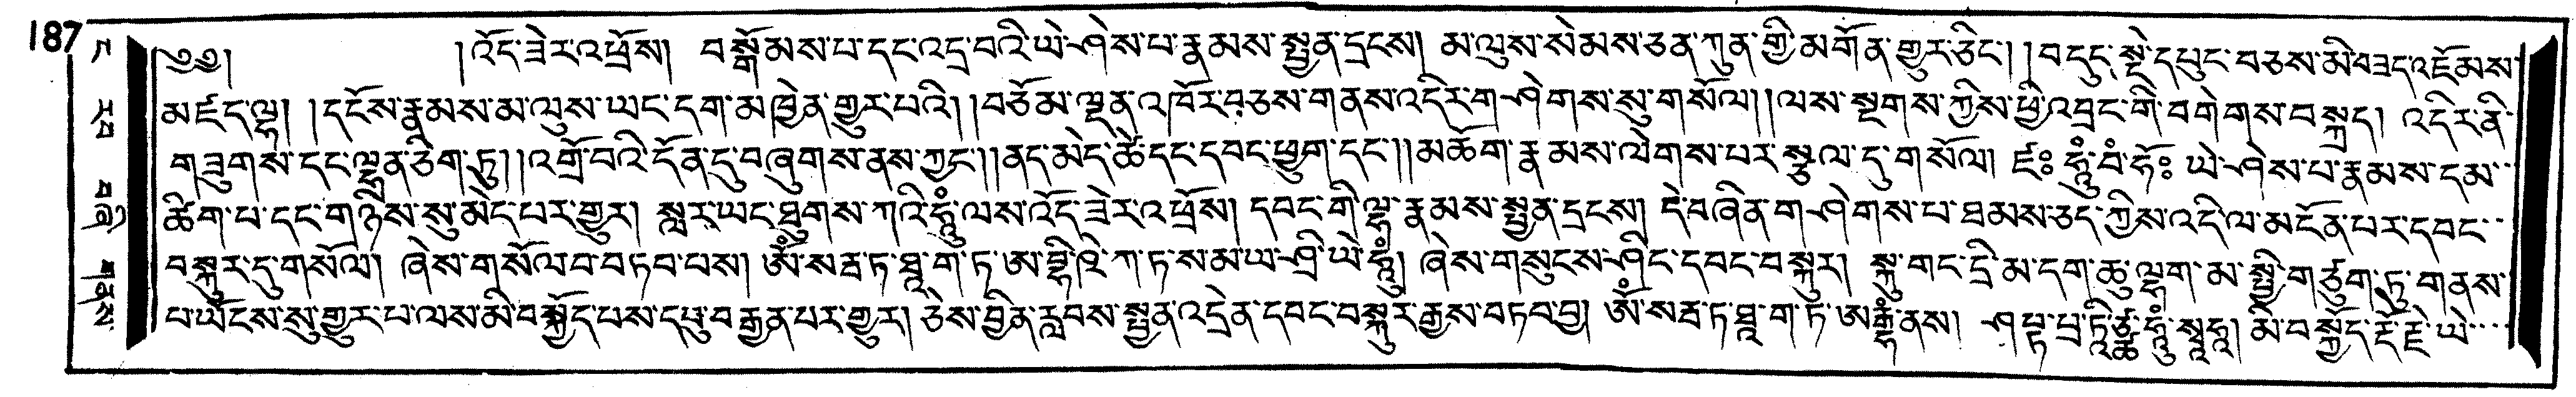༄༅། །འོད་ཟེར་འཕྲོས། བསྒོམས་པ་དང་འདྲ་བའི་ཡེ་ཤེས་པ་རྣམས་སྤྱན་དྲངས། མ་ལུས་སེམས་ཅན་ཀུན་གྱི་མགོན་གྱུར་ཅིང་། །བདུད་སྡེ་དཔུང་བཅས་མི་བཟད་འཇོམས་
མཛད་ལྷ། །དངོས་རྣམས་མ་ལུས་ཡང་དག་མཁྱེན་གྱུར་པའི། །བཅོམ་ལྡན་འཁོར་བཅས་གནས་འདིར་གཤེགས་སུ་གསོལ། །ལས་སྔགས་ཀྱིས་ཕྱི་འབྲང་གི་བགེགས་བསྐྲད། འདིར་ནི་
གཟུགས་དང་ལྷན་ཅིག་ཏུ། །འགྲོ་བའི་དོན་དུ་བཞུགས་ནས་ཀྱང་། །ནད་མེད་ཚེ་དང་དབང་ཕྱུག་དང་། །མཆོག་རྣམས་ལེགས་པར་སྩལ་དུ་གསོལ། །ཛཿ ཧཱུཾ་བཾ་ཧོཿ ཡེ་ཤེས་པ་རྣམས་དམ་
ཚིག་པ་དང་གཉིས་སུ་མེད་པར་གྱུར། སླར་ཡང་ཐུགས་ཀའི་ཧཱུཾ་ལས་འོད་ཟེར་འཕྲོས། དབང་གི་ལྷ་རྣམས་སྤྱན་དྲངས། དེ་བཞིན་གཤེགས་པ་ཐམས་ཅད་ཀྱིས་འདི་ལ་མངོན་པར་དབང་
བསྐུར་དུ་གསོལ། ཞེས་གསོལ་བ་བཏབ་པས། ཨོཾ་སརྦ་ཏ་ཐཱ་ག་ཏ་ཨ་བྷི་ཥེ་ཀ་ཏ་ས་མ་ཡ་ཤྲི་ཡེ་ཧཱུཾ། ཞེས་གསུངས་ཤིང་དབང་བསྐུར། སྐུ་གང་དྲི་མ་དག་ཆུ་ལྷག་མ་སྤྱི་གཙུག་ཏུ་གནས་
པ་ཡོངས་སུ་གྱུར་པ་ལས་མི་བསྐྱོད་པས་དབུ་བརྒྱན་པར་གྱུར། ཅེས་བྱིན་རླབས་སྤྱན་འདྲེན་དབང་བསྐུར་རྒྱས་བཏབ་བྱ། ཨོཾ་སརྦ་ཏ་ཐཱ་ག་ཏ་ཨརྒྷཾ་ནས། ཤཔྟ་པྲ་ཏཱི་ཙྪ་ཧཱུཾ་སྭཱ་ཧཱ། མི་བསྐྱོད་རྡོ་རྗེ་ཡེ་